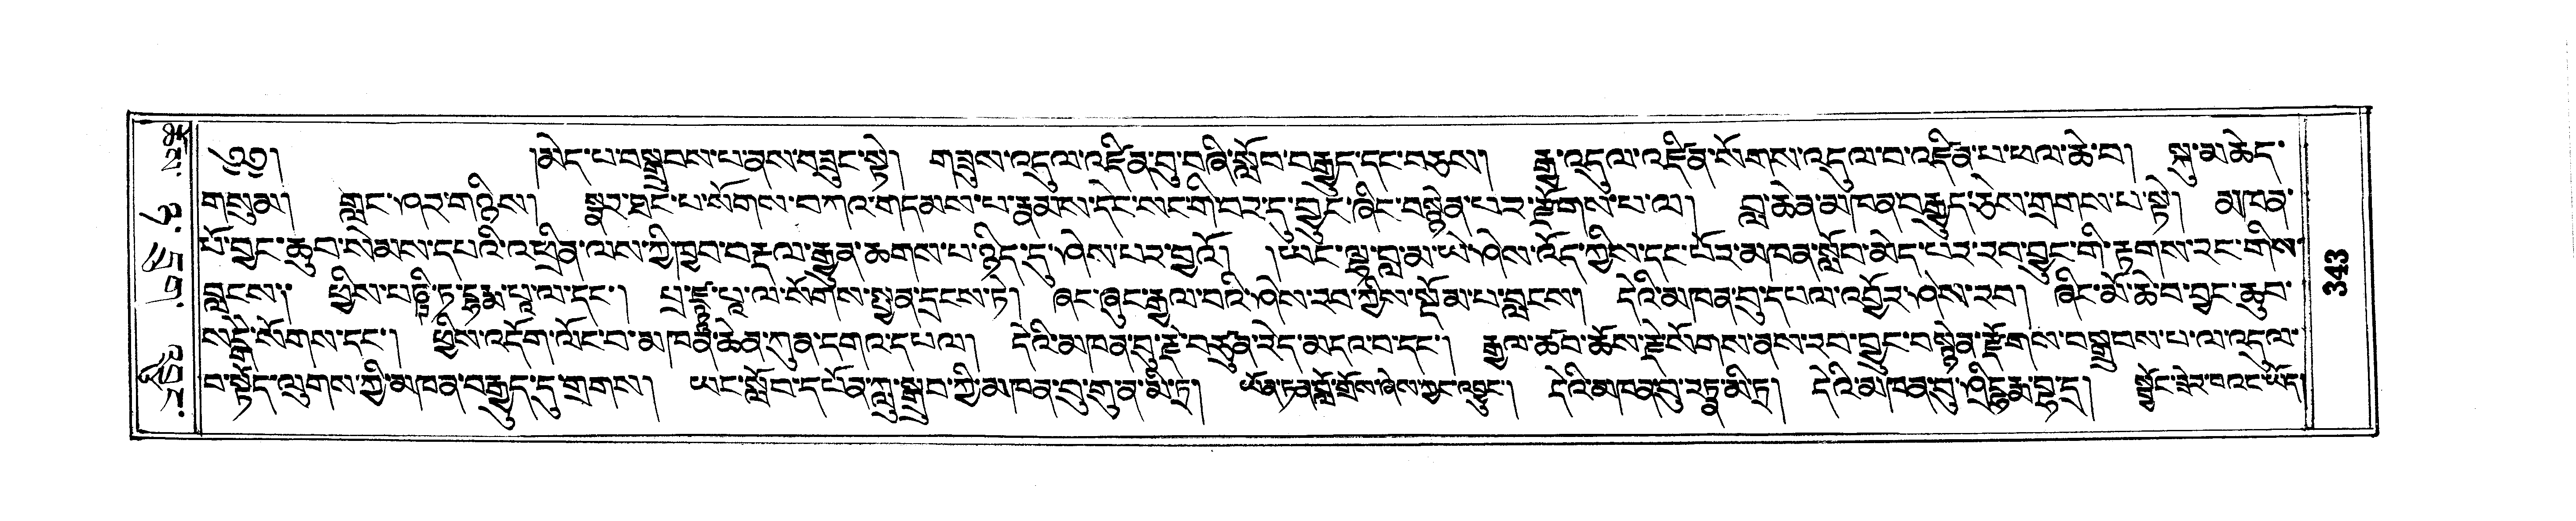༄༅། །མེད་པ་བསྒྲུབས་པ་ནས་བཟུང་སྟེ། གཟུས་འདུལ་འཛིན་བུ་བཞི་སློབ་བརྒྱུད་དང་བཅས། རྒྱ་འདུལ་འཛིན་སོགས་འདུལ་བ་འཛིན་པ་ཕལ་ཆེ་བ། སྐུ་མཆེད་
གསུམ། གླང་ཤར་གཉིས། སྣར་ཐང་པ་སོགས་བཀའ་གདམས་པ་རྣམས་དེང་སང་གི་བར་དུ་བྱུང་ཞིང་བསྙེན་པར་རྫོགས་པ་ལ། བླ་ཆེན་མཁན་བརྒྱུད་ཅེས་གྲགས་པ་སྟེ། མཁན་
པོ་བྱང་ཆུབ་སེམས་དཔའི་འཕྲིན་ལས་ཀྱི་ཁྱབ་བརྡལ་རྒྱུན་ཆགས་པ་ཉིད་དུ་ཤེས་པར་བྱའོ། །ཡང་ལྷ་བླ་མ་ཡེ་ཤེས་འོད་ཀྱིས་དང་པོར་མཁན་སློབ་མེད་པར་རབ་བྱུང་གི་རྟགས་རང་གིས་
བླངས༑ ཕྱིས་པཎྚི་ཏ་དྷརྨ་པཱ་ལ་དང་། པྲ་ཛྙཱ་པཱ་ལ་སོགས་སྤྱན་དྲངས་ཏེ། ཞང་ཞུང་རྒྱལ་བའི་ཤེས་རབ་ཀྱིས་སྡོམ་པ་བླངས། དེའི་མཁན་བུ་དཔལ་འབྱོར་ཤེས་རབ། ཞིང་མོ་ཆེ་བ་བྱང་ཆུབ་
སེངྒེ་སོགས་དང་། ཕྱིས་འདོག་ལོང་བ་མཁན་ཆེན་ཀུན་དགའ་དཔལ། དེའི་མཁན་བུ་རྗེ་བཙུན་རེད་མདའ་བ་དང་། རྒྱལ་ཚབ་ཆོས་རྗེ་སོགས་ནས་རབ་བྱུང་བསྙེན་རྫོགས་བསྒྲུབས་པ་ལ་འདུལ་
བ་སྟོད་ལུགས་ཀྱི་མཁན་བརྒྱུད་དུ་གྲགས། ཡང་སློབ་དཔོན་ཀླུ་སྒྲུབ་ཀྱི་མཁན་བུ་གུ་ན་མི་ཏྲ། ཡོན་ཏན་བློ་གྲོས་ཞེས་ཀྱང་འབྱུང་། དེའི་མཁན་བུ་རཏྣ་མི་ཏྲ། དེའི་མཁན་བུ་ཤྲིདྷརྨ་བྷ་དྲ། སྦྱོང་ཟེར་བའང་ཡོད་